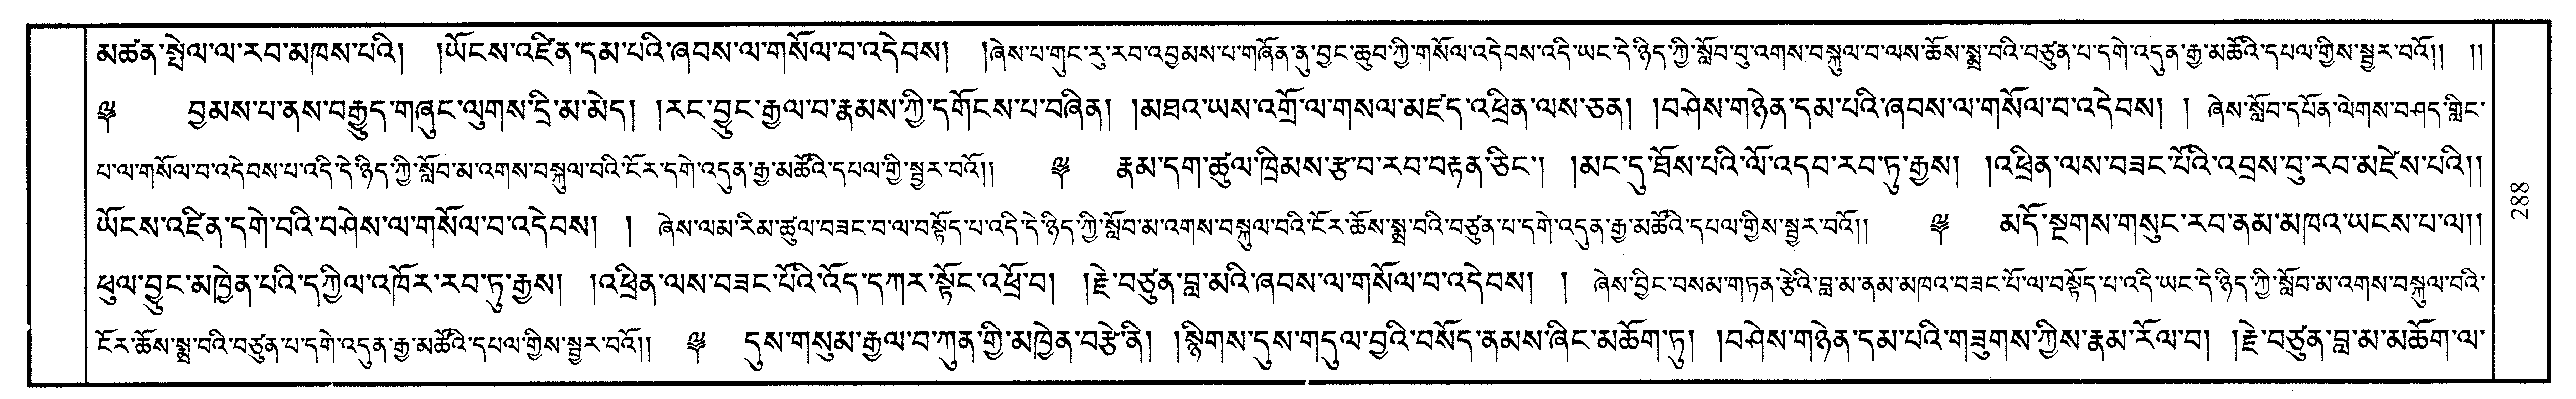མཚན་སྤེལ་ལ་རབ་མཁས་པའི། །ཡོངས་འཛིན་དམ་པའི་ཞབས་ལ་གསོལ་བ་འདེབས། །ཞེས་པ་གུང་རུ་རབ་འབྱམས་པ་གཞོན་ནུ་བྱང་ཆུབ་ཀྱི་གསོལ་འདེབས་འདི་ཡང་དེ་ཉིད་ཀྱི་སློབ་བུ་འགས་བསྐུལ་བ་ལས་ཆོས་སྨྲ་བའི་བཙུན་པ་དགེ་འདུན་རྒྱ་མཚོའི་དཔལ་གྱིས་སྦྱར་བའོ།། །།
༈ བྱམས་པ་ནས་བརྒྱུད་གཞུང་ལུགས་དྲི་མ་མེད། །རང་བྱུང་རྒྱལ་བ་རྣམས་ཀྱི་དགོངས་པ་བཞིན། །མཐའ་ཡས་འགྲོ་ལ་གསལ་མཛད་འཕྲིན་ལས་ཅན། །བཤེས་གཉེན་དམ་པའི་ཞབས་ལ་གསོལ་བ་འདེབས། །ཞེས་སློབ་དཔོན་ལེགས་བཤད་གླིང་
པ་ལ་གསོལ་བ་འདེབས་པ་འདི་དེ་ཉིད་ཀྱི་སློབ་མ་འགས་བསྐུལ་བའི་ངོར་དགེ་འདུན་རྒྱ་མཚོའི་དཔལ་གྱི་སྦྱར་བའོ།། ༈ རྣམ་དག་ཚུལ་ཁྲིམས་རྩ་བ་རབ་བརྟན་ཅིང་། །མང་དུ་ཐོས་པའི་ལོ་འདབ་རབ་ཏུ་རྒྱས། །འཕྲིན་ལས་བཟང་པོའི་འབྲས་བུ་རབ་མཛེས་པའི།།
ཡོངས་འཛིན་དགེ་བའི་བཤེས་ལ་གསོལ་བ་འདེབས། །ཞེས་ལམ་རིམ་ཚུལ་བཟང་བ་ལ་བསྟོད་པ་འདི་དེ་ཉིད་ཀྱི་སློབ་མ་འགས་བསྐུལ་བའི་ངོར་ཆོས་སྨྲ་བའི་བཙུན་པ་དགེ་འདུན་རྒྱ་མཚོའི་དཔལ་གྱིས་སྦྱར་བའོ།། ༈ མདོ་སྔགས་གསུང་རབ་ནམ་མཁའ་ཡངས་པ་ལ།།
ཕུལ་བྱུང་མཁྱེན་པའི་དཀྱིལ་འཁོར་རབ་ཏུ་རྒྱས། །འཕྲིན་ལས་བཟང་པོའི་འོད་དཀར་སྟོང་འཕྲོ་བ། །རྗེ་བཙུན་བླ་མའི་ཞབས་ལ་གསོལ་བ་འདེབས། །ཞེས་བྱིང་བསམ་གཏན་རྩེའི་བླ་མ་ནམ་མཁའ་བཟང་པོ་ལ་བསྟོད་པ་འདི་ཡང་དེ་ཉིད་ཀྱི་སློབ་མ་འགས་བསྐུལ་བའི་
ངོར་ཆོས་སྨྲ་བའི་བཙུན་པ་དགེ་འདུན་རྒྱ་མཚོའི་དཔལ་གྱིས་སྦྱར་བའོ།། ༈ དུས་གསུམ་རྒྱལ་བ་ཀུན་གྱི་མཁྱེན་བརྩེ་ནི། །སྙིགས་དུས་གདུལ་བྱའི་བསོད་ནམས་ཞིང་མཆོག་ཏུ། །བཤེས་གཉེན་དམ་པའི་གཟུགས་ཀྱིས་རྣམ་རོལ་བ། །རྗེ་བཙུན་བླ་མ་མཆོག་ལ་